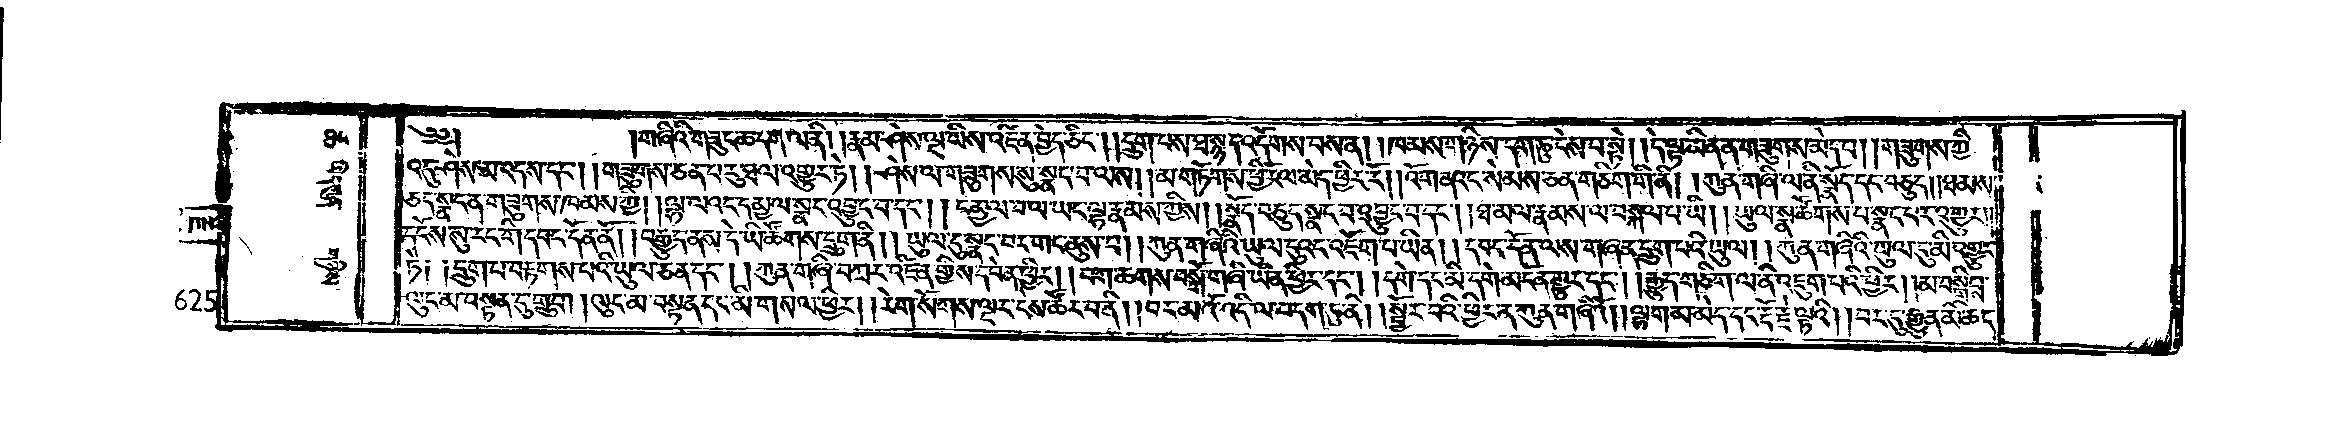༄༅། །གཞིའི་གཟུང་ཆ་དག་ལ་ནི། རྣམ་ཤེས་ལྔ་ཡིས་འཛིན་བྱེད་ཅིང་། །དྲུག་པས་ཐ་སྙད་འདོགས་པས་ན། །ཁམས་གཉིས་དག་ཏུ་ངེས་པ་སྟེ། །དེ་ལྟ་མིན་ན་གཟུགས་མེད་པ། །གཟུགས་ཀྱི་
འདུ་ཤེས་མ་འདས་དང་། །གཟུགས་ཅན་པ་རུ་ཐལ་འགྱུར་ཏེ། །ཤེས་ལ་གཟུགས་སུ་སྣང་བ་ལས། །མ་གཏོགས་ཕྱི་རོལ་མེད་ཕྱིར་རོ། །འོག་ནའང་སེམས་ཅན་གཅིག་གི་ནི། །ཀུན་གཞི་ལ་ནི་སྣོད་དང་བཅུད། །ཐམས་
ཅད་སྣང་ན་གཟུགས་ཁམས་ཀྱི། །ལྷ་ལའང་དམྱལ་སྣང་འབྱུང་བ་དང་། །དམྱལ་བ་ལ་ཡང་ལྷ་རྣམསཀྱིས། །སྣོད་བཅུད་སྣང་བ་འབྱུང་བ་དང་། །ཐ་མལ་རྣམས་ལ་བསྐལ་པ་ཡི། །ཡུལ་སྣ་ཚོགས་པ་སྣང་བར་འགྱུར། །
དངོས་སུ་རང་གི་དབང་དོན་ནོ། །བརྒྱུད་ནས་དེ་ཡི་ཚོགས་དྲུགནི། །ཡུལ་དུ་སྣང་བར་གང་ནུས་པ། །ཀུན་གཞིའི་ཡུལ་དུའང་འཇོག་པ་ཡིན། །དབང་དོན་ལས་གཞན་དྲུག་པའི་ཡུལ། །ཀུན་གཞིའི་ཡུལ་དུ་མི་འགྱུར་
ཏེ༑ ༑དྲུག་པ་བརྟགས་པའི་ཡུལ་ཅན་དང་། །ཀུན་གཞི་བཀྲར་འཛིན་གྱིས་དབེན་ཕྱིར། །བག་ཆགས་བསྒོ་གཞི་ཡིན་ཕྱིར་དང་། །དགེ་དང་མི་དགེ་མངོན་གྱུར་དང་། །རྒྱུད་གཅིག་ལ་ནི་འཇུག་པའི་ཕྱིར། །མབསྒྲིབས
ལུང་མ་བསྟན་དུ་གྲུབ། །ལུང་མ་བསྟན་དང་མི་གསལ་ཕྱིར། །རེག་སོགས་ལྔར་ངེས་ཚོར་བ་ནི། །བར་མའོ་འདི་ལ་བདག་ཏུ་ནི། །སྦྱོར་བའི་ཕྱིར་ན་ཀུན་གཞིའོ། །ལྷག་མ་མེད་དང་རྡོ་རྗེ་ལྟའི། །བར་དུ་རྒྱུན་མི་ཆད་